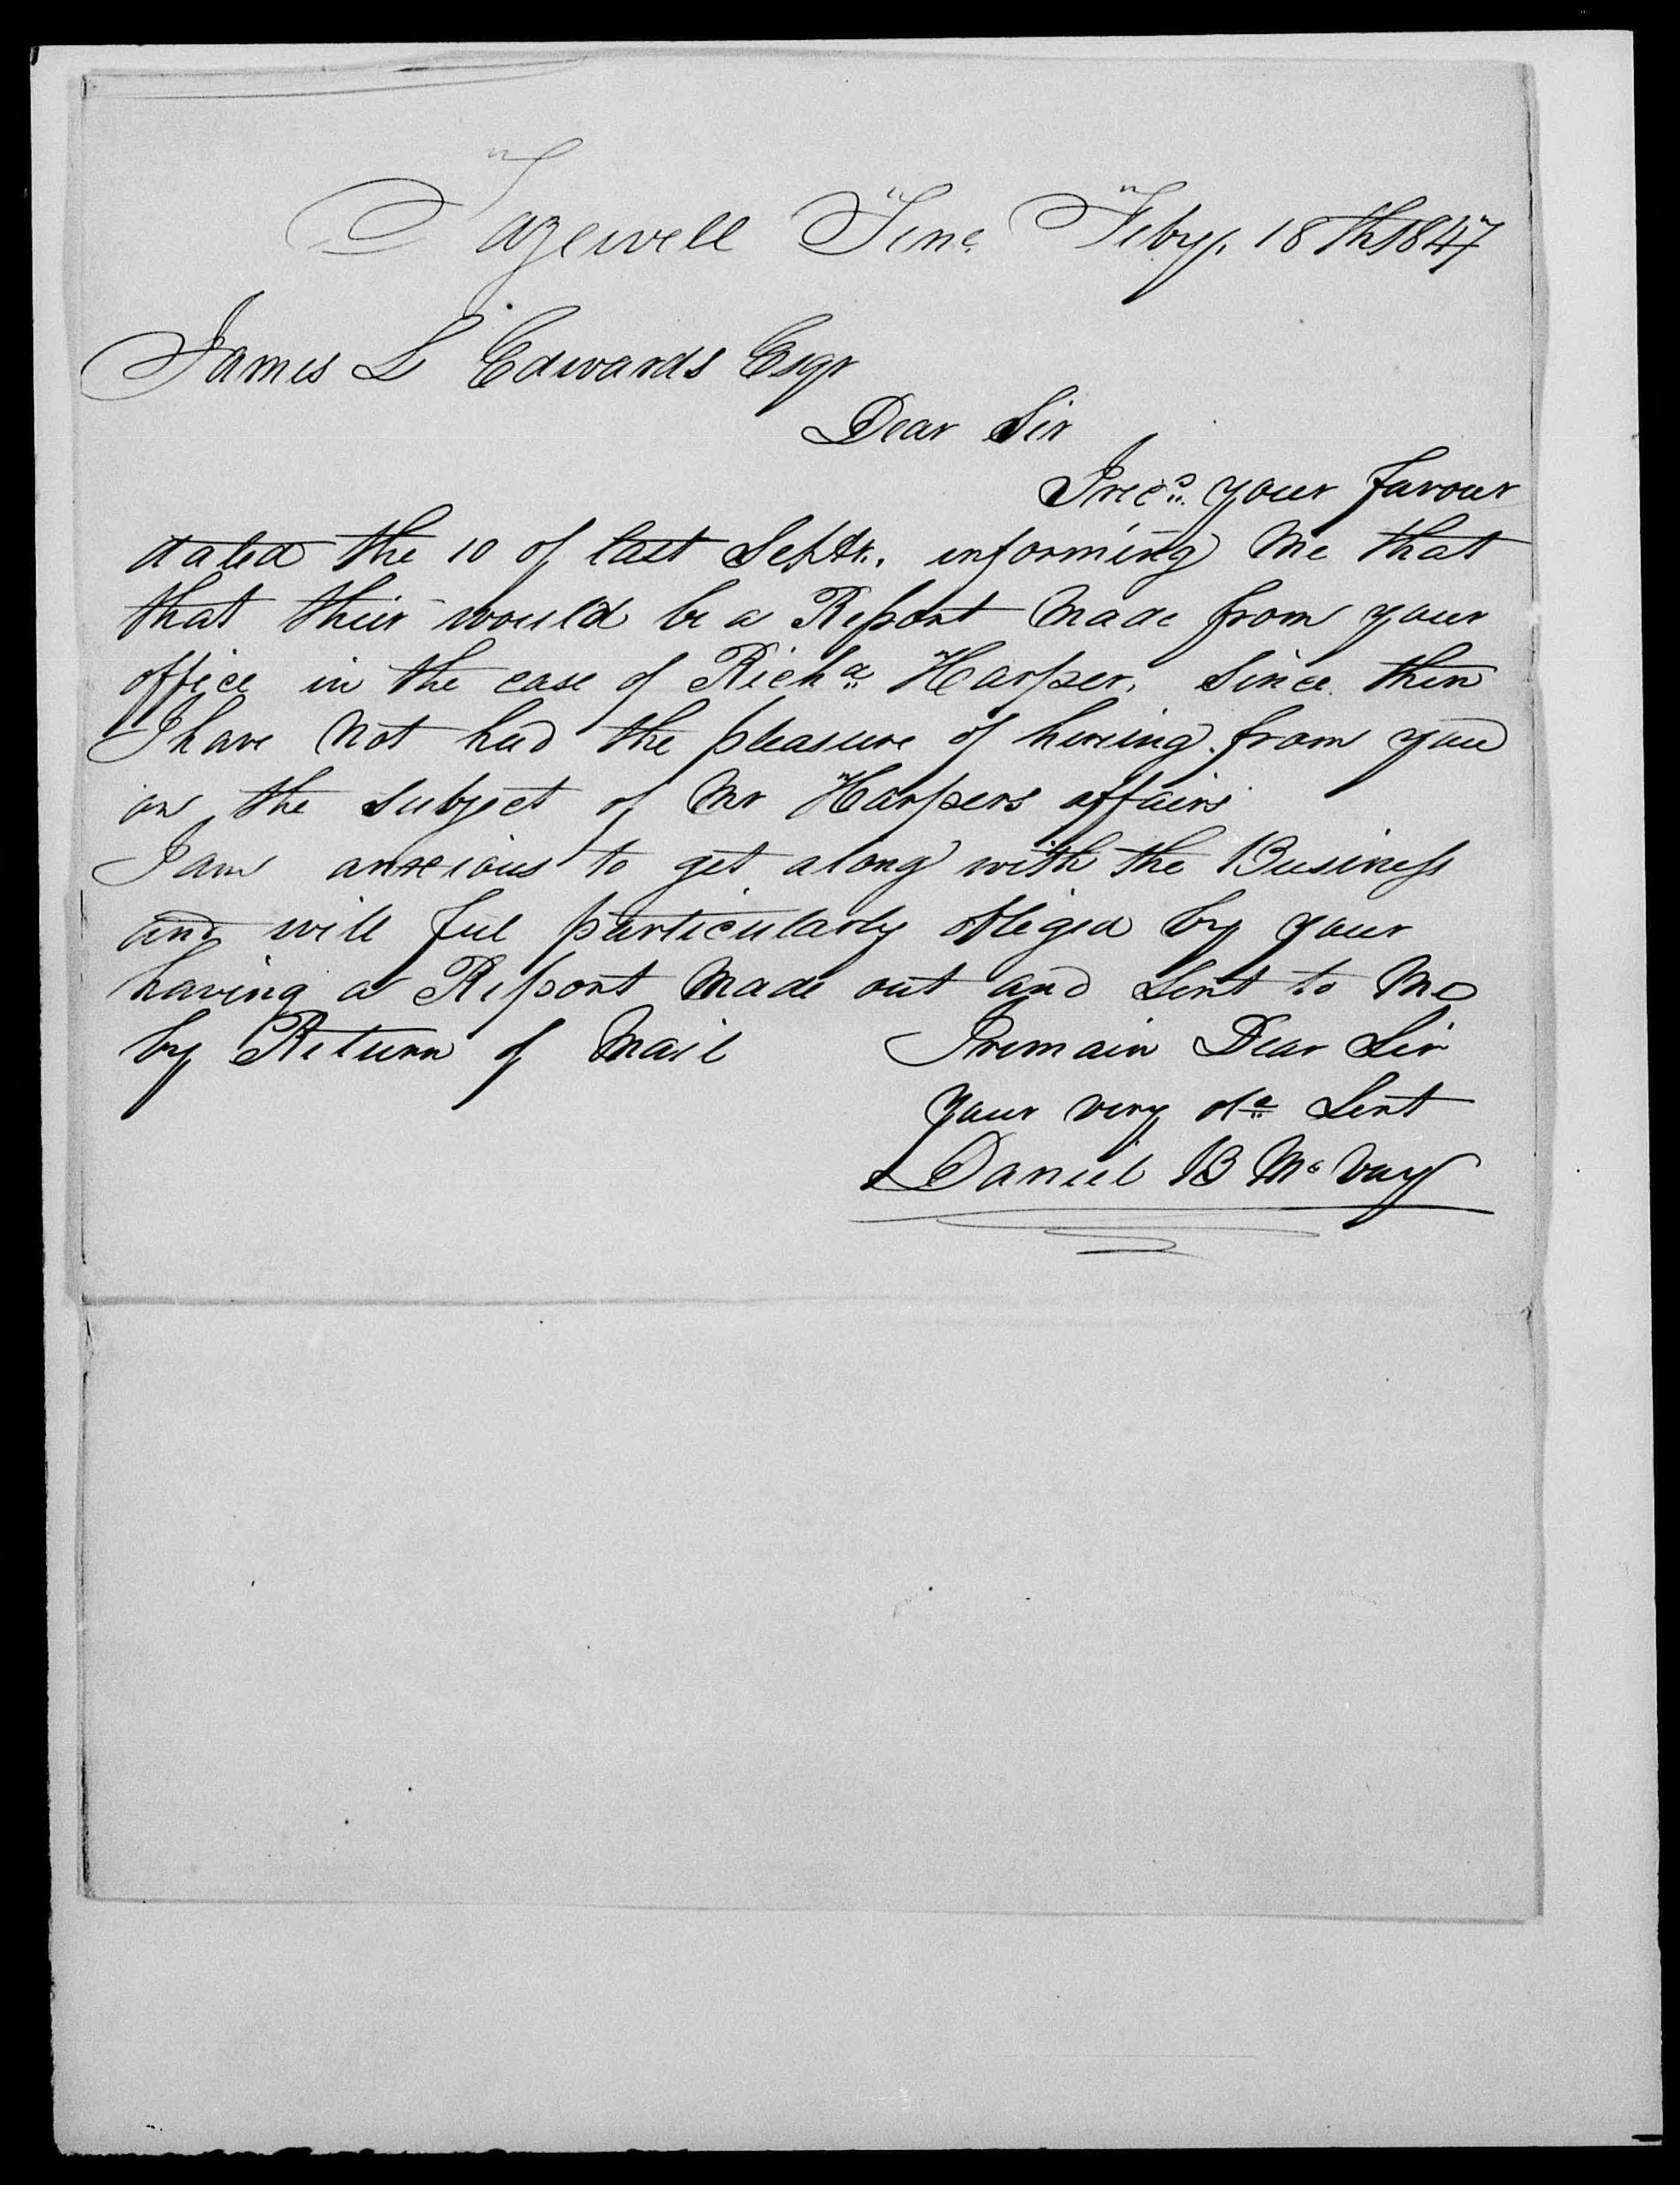Tazewell Ten'e  Febry, 18th 1847

James L Edwards Esq

Dear Sir
I rec'd your favour dated the 10 of last Sept. informing me that that their would be a Report made from your office in the case of Rich'd Harper. Since then I have not had the pleasure of hearing from you on the subject of Mr Harper's affairs.
I am anxious to get along with the Business and will feel particularly obliged by your having a Report made out and Sent to me by Return of Mail

I remain Dear Sir
your very ob'd Servt
Daniel B. McVey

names: Richa Harper, Harper, Daniel B Mc Vay, James L Edwards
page: 33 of 81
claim: survivor's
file: S. 1908, Richard Harper, N.C.